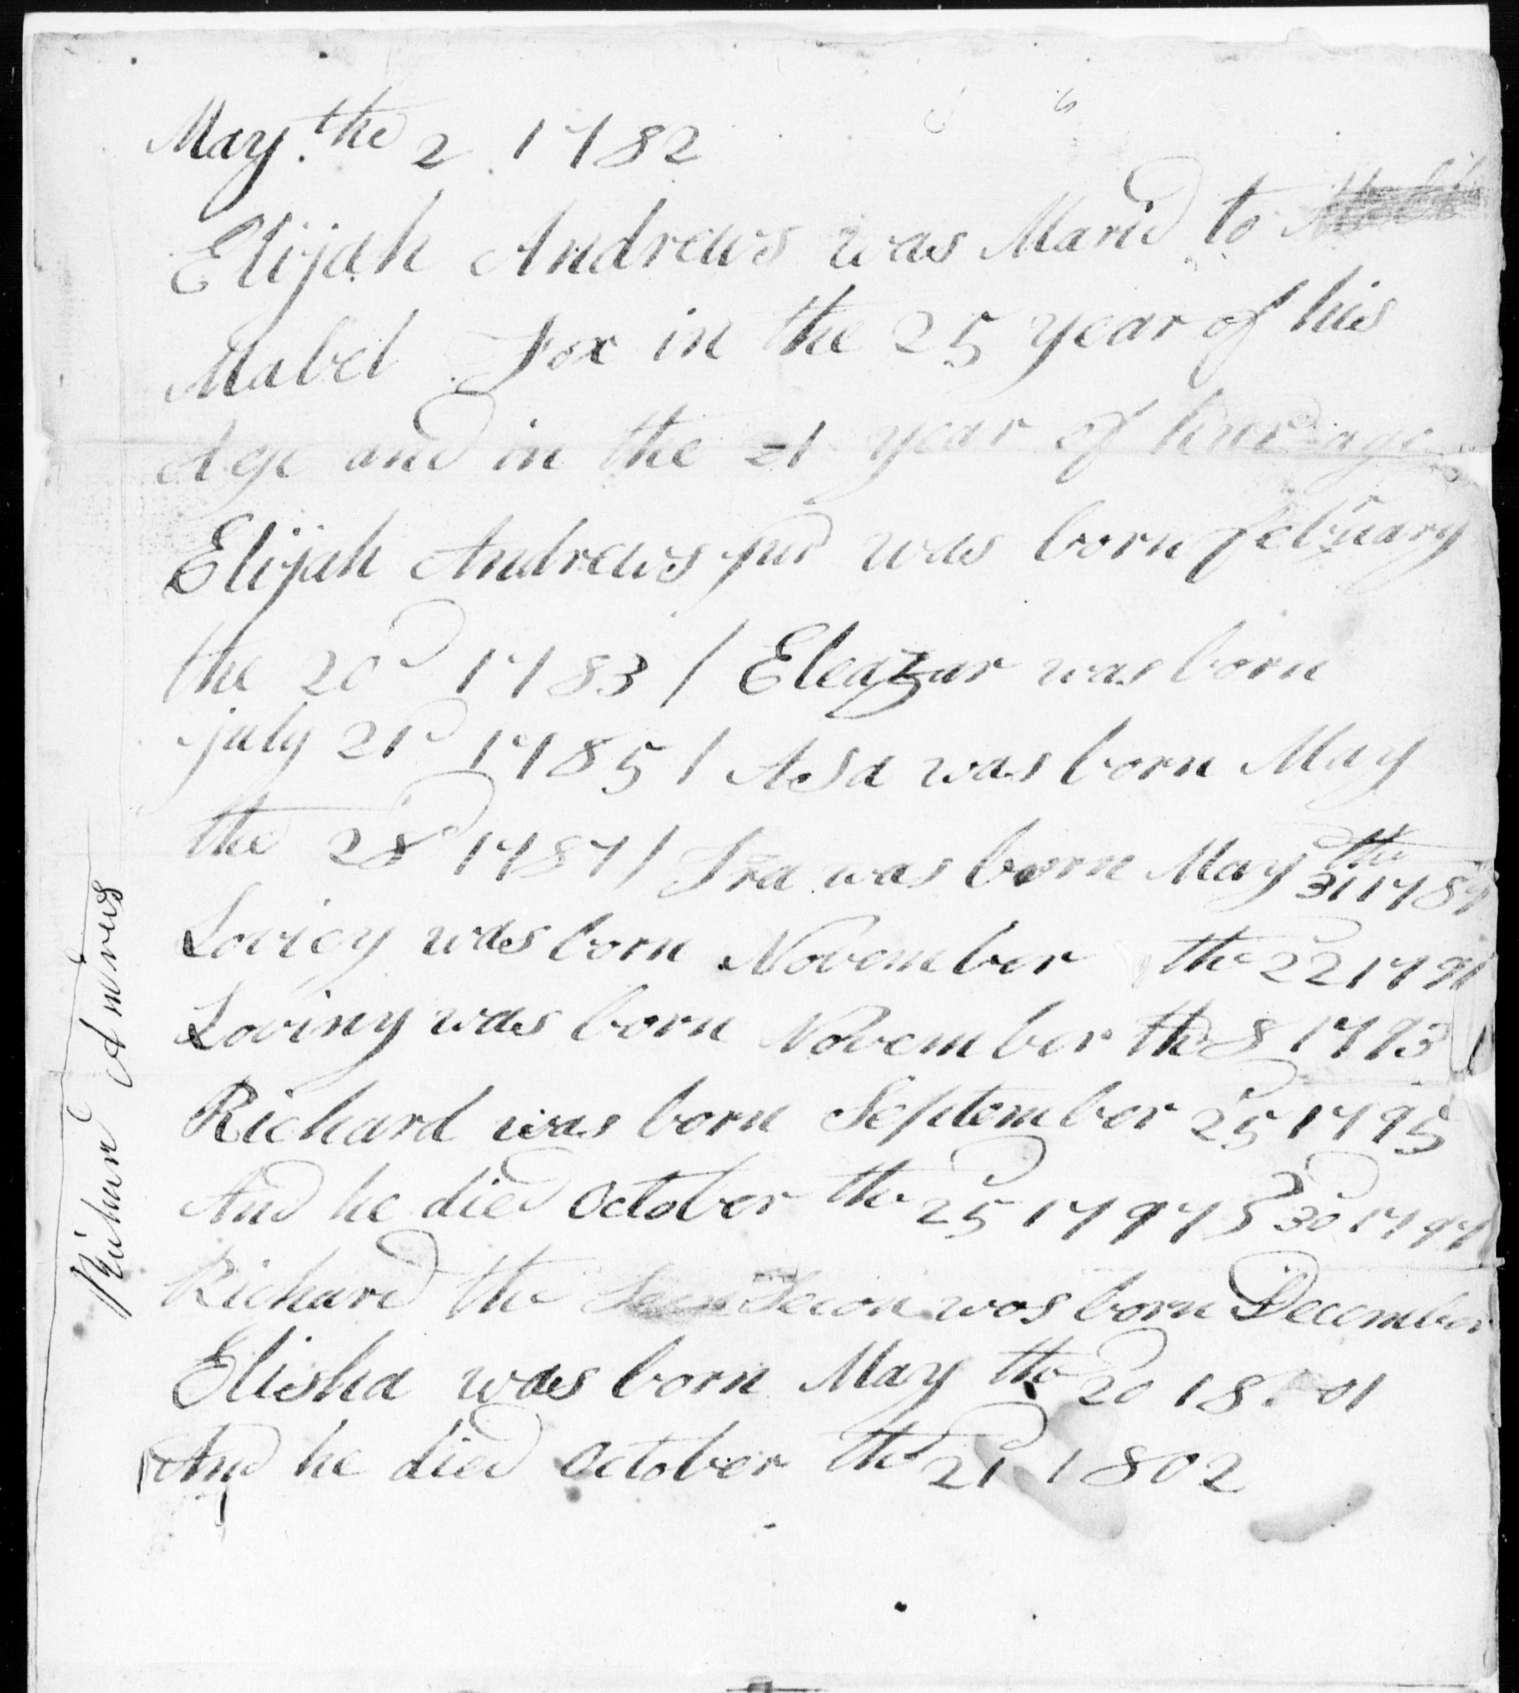May the 2, 1782
Elijah Andrews was Married to Mabel Fox in the 25 year of his Age and in the 1 year of his marriage, Elijah Andrews jur was born February the 10h 1783 / Eleazar was wborn July 21, 1785 / Asa was born May the 18th 1787 / Ira was born May 31, 1789
Loviey was born November the 22 17791
Loving was born November the 8 1793
Richard was born September 25 1795 And he died October the 25 1797 ) 30th 1794
Richard the Second was born December
Elisha was born May the 20 1801 then he died October the 21 1802
(Margin note:  Richard Andrews)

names: Eleazar, Richard, Ira, Mabel Fox, Richard, Elijah Andrews, Richard Andrews, Elisha, Loviey, Asa, Loviny, Elijah Andrews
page: 4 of 19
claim: rejected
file: R. 5836, Elijah Andrews, Conn.